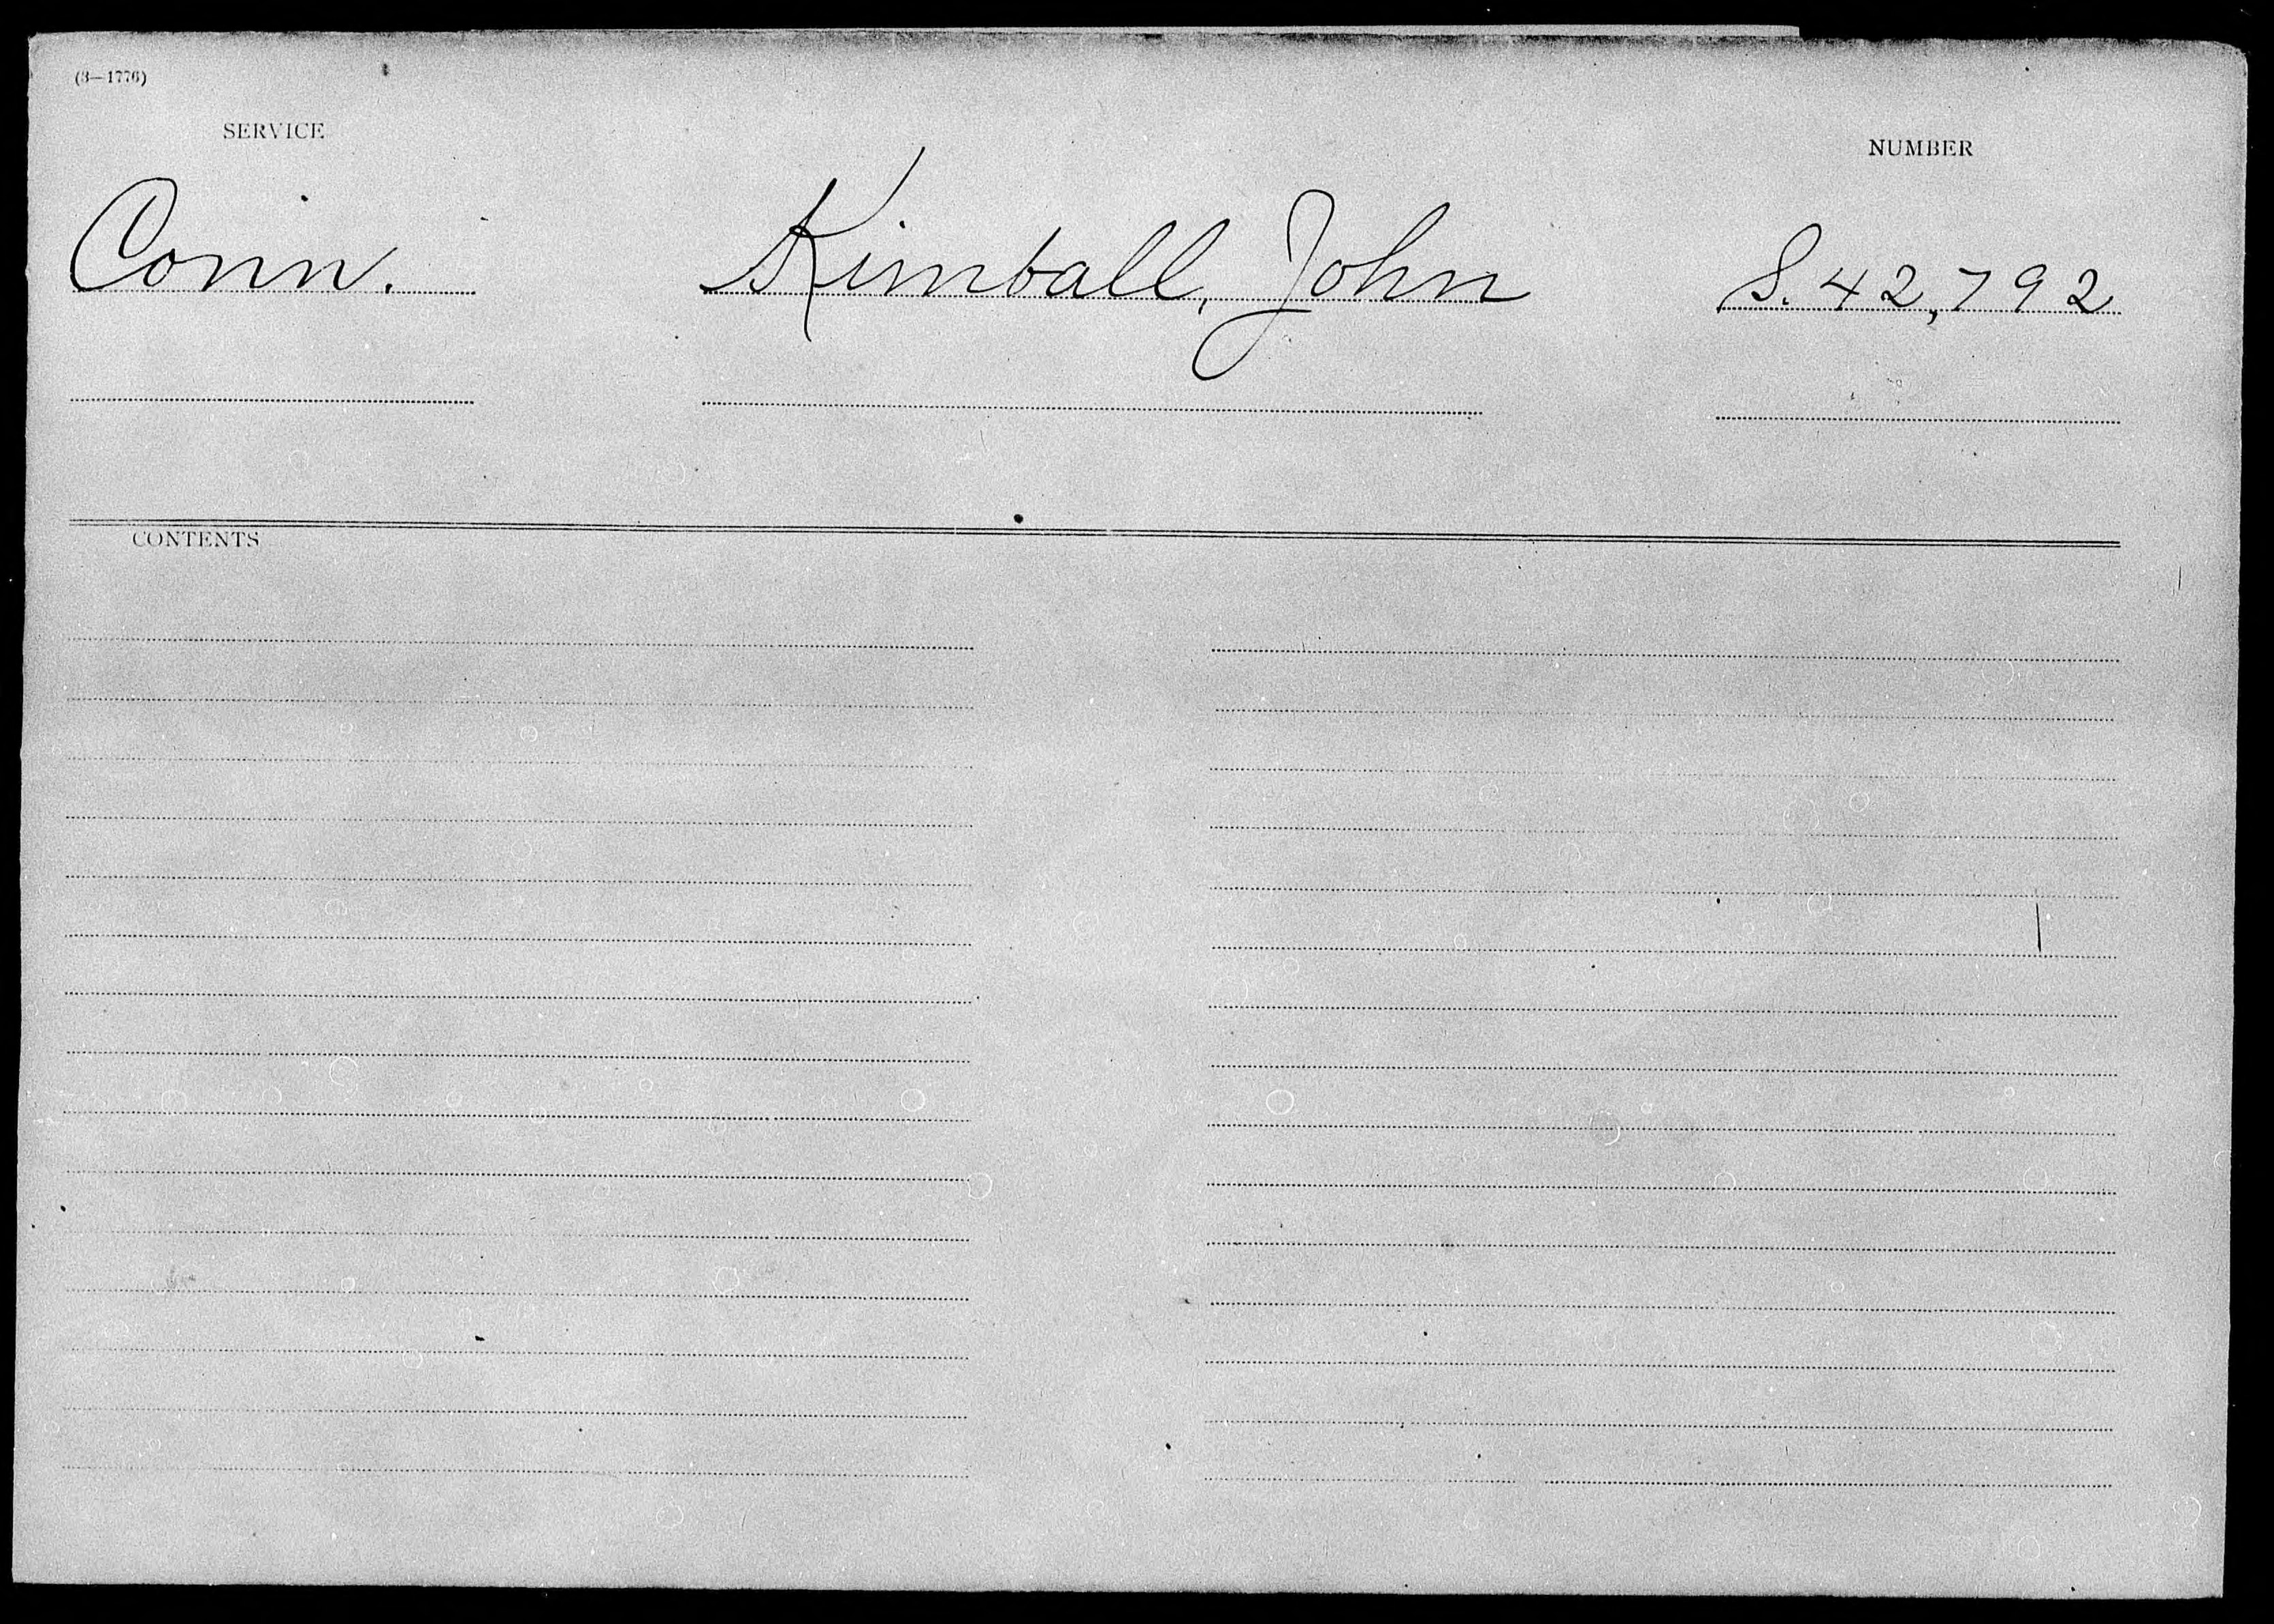Service
Conn.

Kimball, John

Number
S.42,792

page: 1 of 36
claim: survivor's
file: S. 42,792, for John Kimball, Connecticut